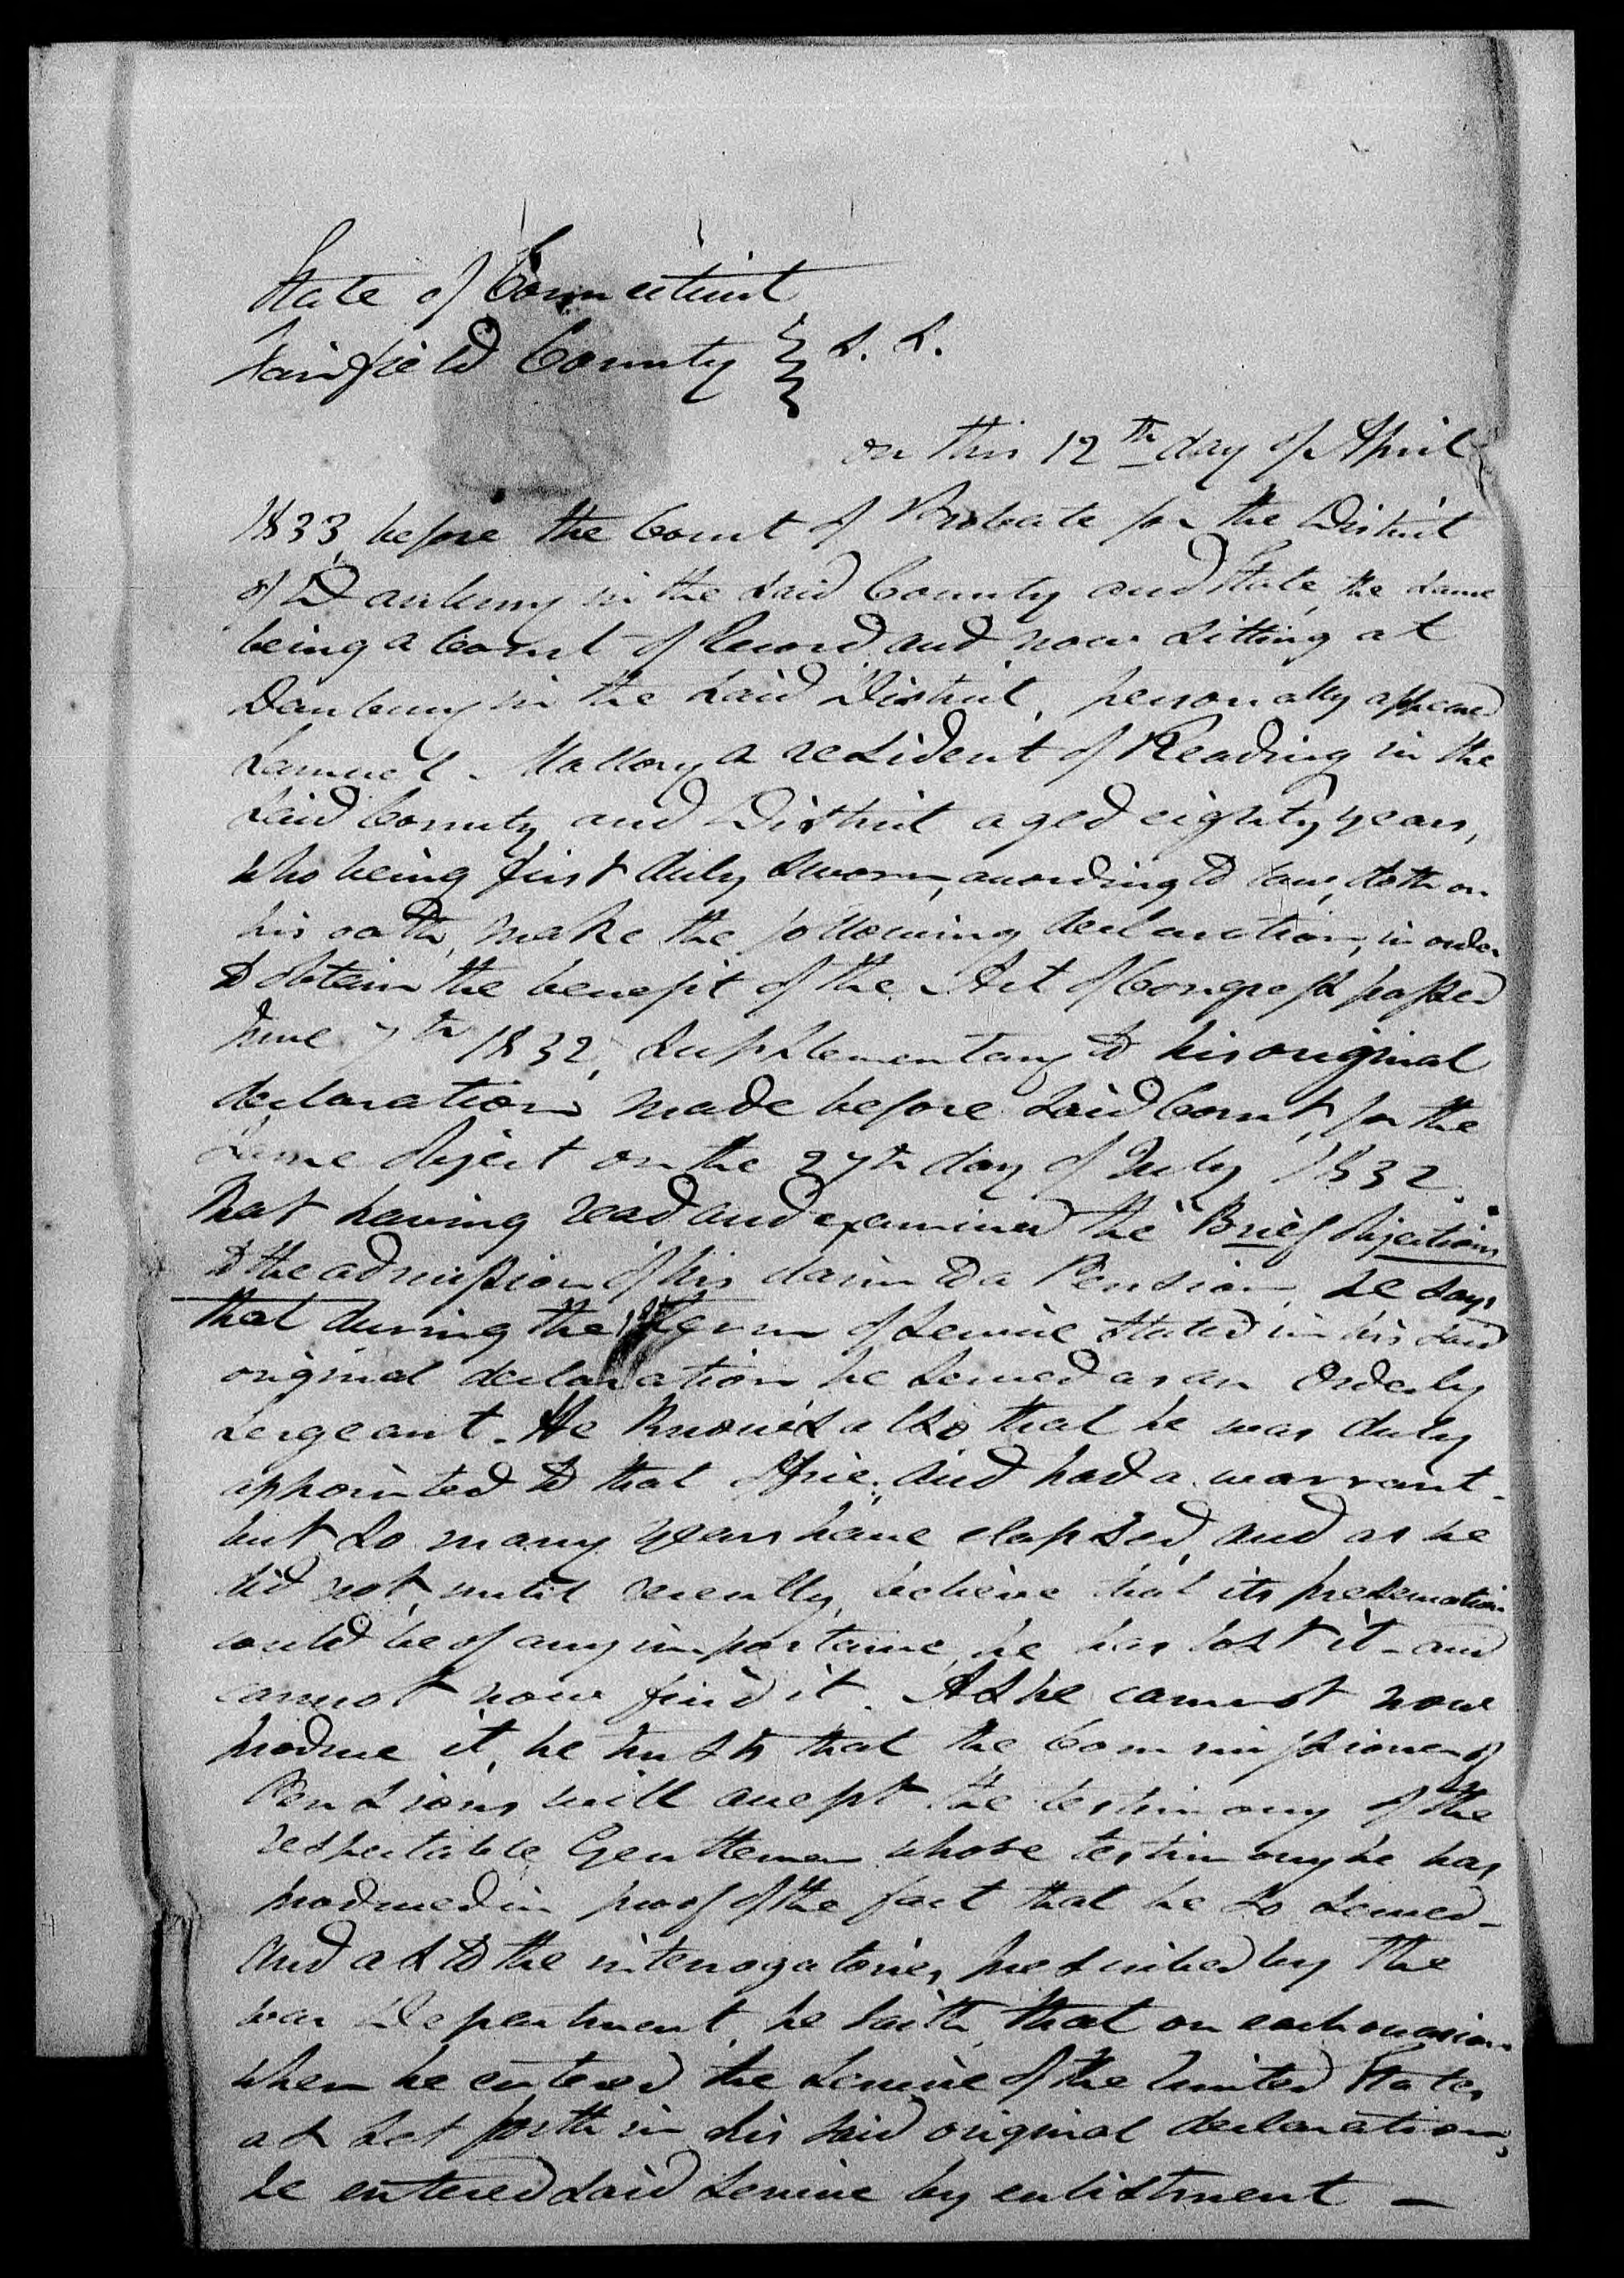State of Connecticut
Fairfield County   S.S.
on this 12th day of April 1833 before the Court of Probate for the District of Danbury in the said County and State the said being a Court of Record and now sitting at Danbury in the said District, personally appeared
Samuel Mallory a resident of Reading in the
said County and District aged eighty years
who being first duly sworn, according to law doth on his oath make the following declaration, in order to obtain the benefit of the Act Congress passed June 7 1832 supplementary to his original
declarations made before said Court for the
same object on the 7th day of July 1832
that having read and examined the Brief objections to the admission of his claim to a pension, he says that during the term of service stated in his original declaration he served as an Orderly Sergeant. He knows also that he was duly appointed to that office and had a warrant
but so many years have elapsed and as he
did not until recently believe that its preservation would be of any importance has lost it and cannot now find it. As he cannot now produce it he [illegible] that the commissioner of Pensions will accept the testimony of the respectable gentlemen whose testimony he has [illegible] in proof of the fact that he so served 
and as to the interrogations presented by the
war department, he saith that on each occasion when he entered the service of the United States as set forth in his said original declaration,
he entered said service by enlistment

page: 28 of 29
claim: survivor's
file: S. 23,312, for Samuel Mallery, Connecticut